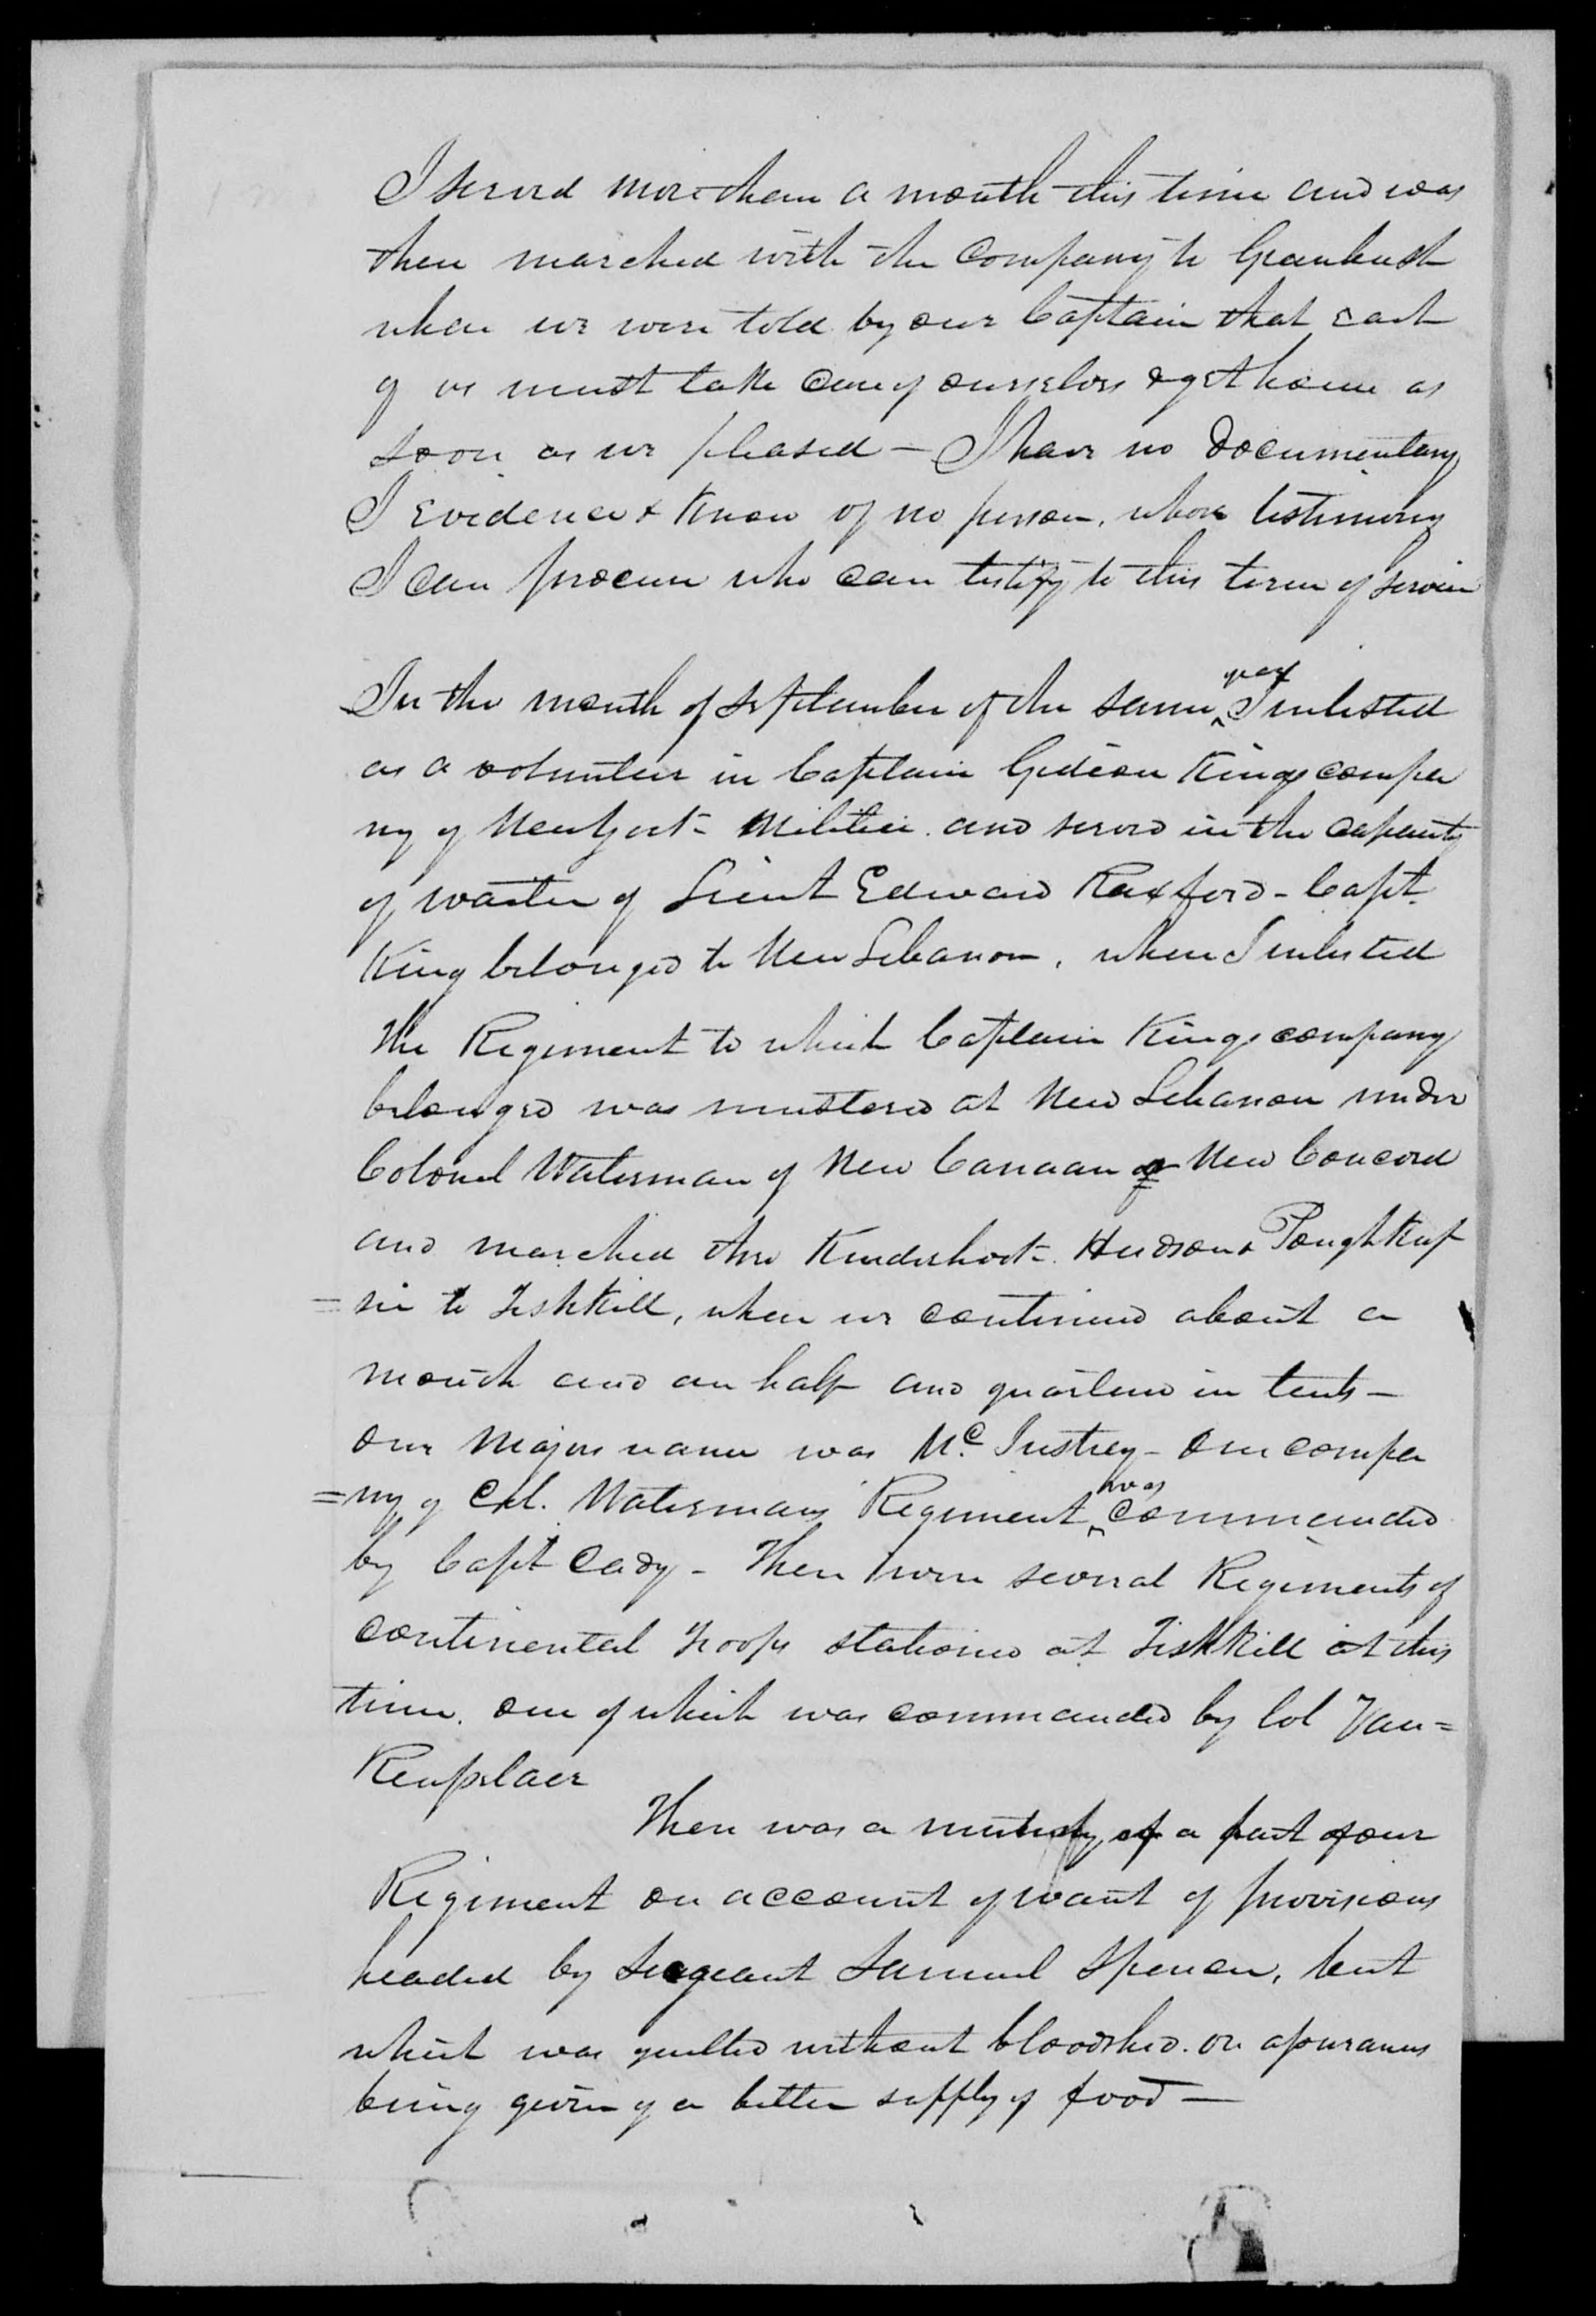I served more than a month this time and was
then marched with the company to Greenbush
when we were told by our Captain that each
of us must take care of ourselves & get home as soon as we pleased-- I have no  documentary evidence & know of no person, whose testimony I can procure who can testify to this term of service.
In the month of September of the same year I enlisted as a volunteer in Captain Gideon King's Company of New York Militia and served in the capacity of waiter of Lieut Edward Rexford  - Capt King belonged to New Lebanon, where I enlisted.
The Regiment to which Captain King's Company belonged was mustered at New Lebanon under Colonel Waterman of New Canaan or New Concord, and marched thru Kinderhook, Hudson & Poughkeepsie to
Fishkill, where we continued about a month and an half and quartered in tents.  Our
major's name was McInstry;  our Company 
of Col. Waterman's Regiment was commanded
by Capt Cady. There were several Regiments of
continental Troops stationed at Fishkill at this
time, one of which was commanded by Col Van
Rensselaer.
Then was a mutiny of a part of our Regiment on account of want of provisions headed by Sergeant Samuel Spencer, but which was quelled without bloodshed or assurances
being given of a better supply of food-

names: [BLANK] Waterman; [BLANK] Mc Instrey; [BLANK] Van Rensselaer; Edward Raxford; Samuel Spencer; [BLANK] King; [BLANK] Cady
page: 6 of 23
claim: survivor's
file: S. 14,229, for Robert Pratt, New York